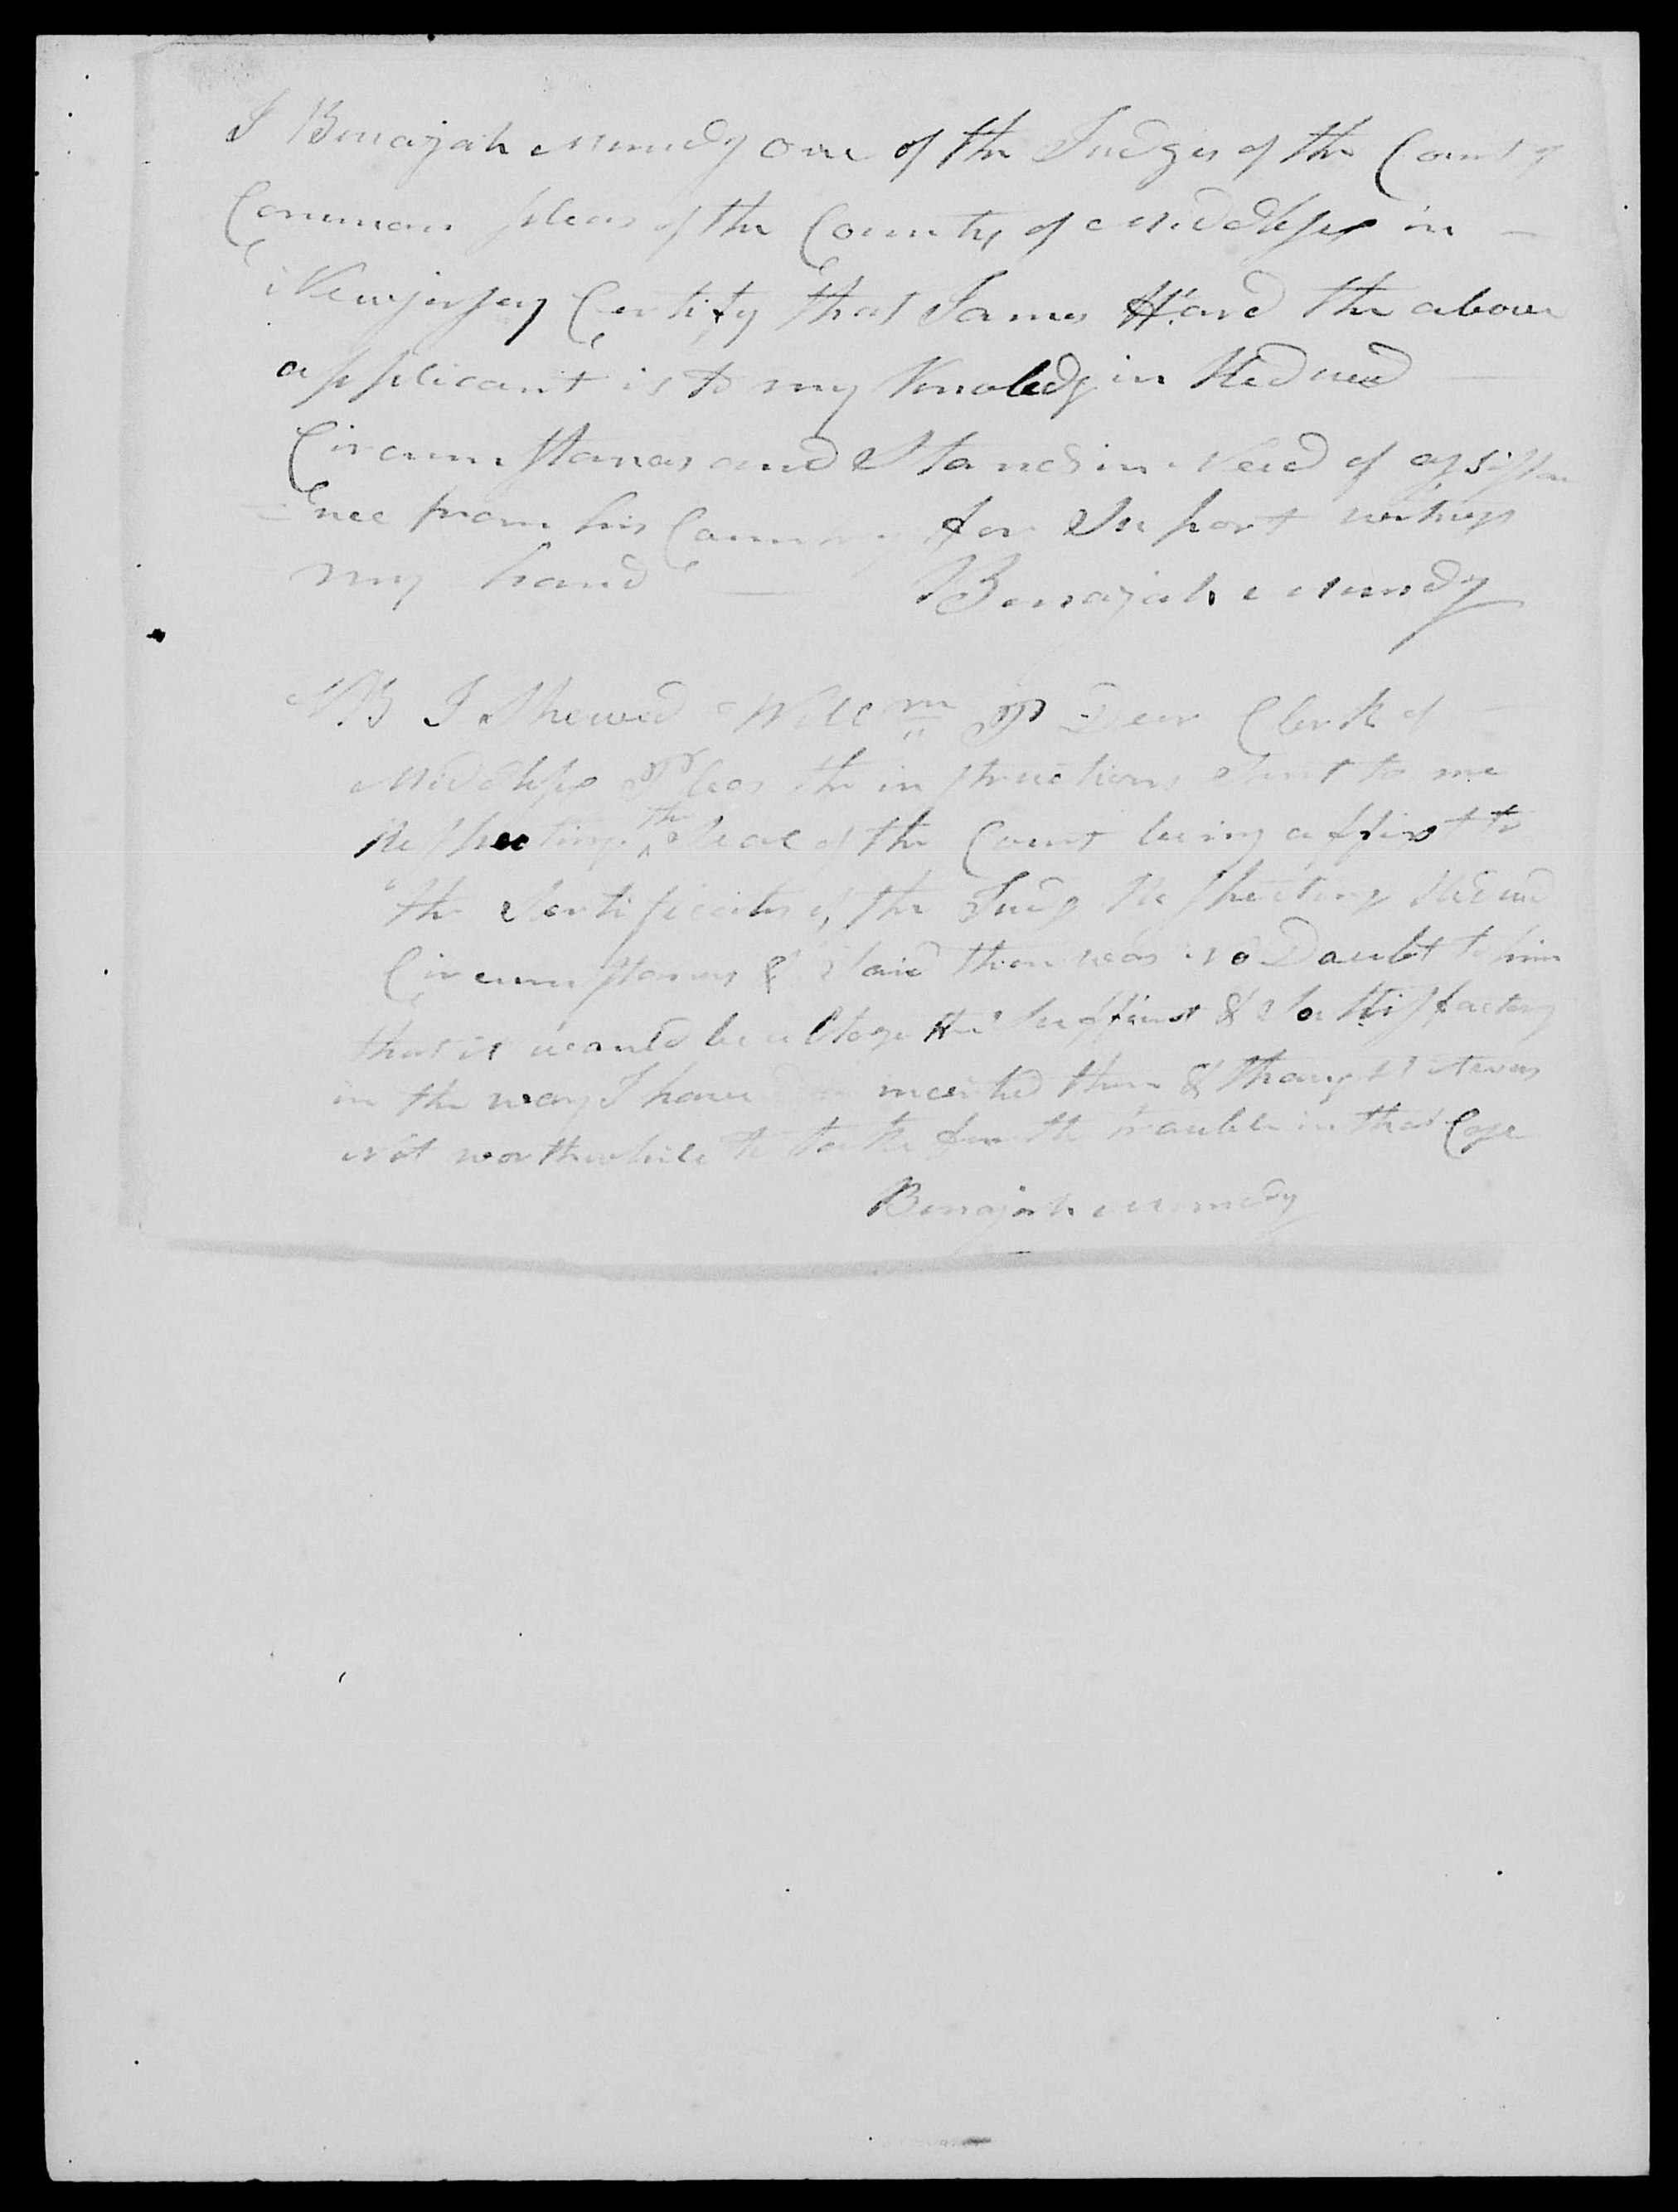I, Benajah Mundy, one of the Judges of the Court of Common Pleas of the County of Middlesex in the State of New Jersey, [Illegible Ink Marks]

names: Benajah Mundy, Benajah Mundy, James Heard, Willm P Dean, Benajah Mundy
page: 55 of 62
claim: survivor's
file: S. 540, James Heard, Continental - New Jersey Residence In 1818